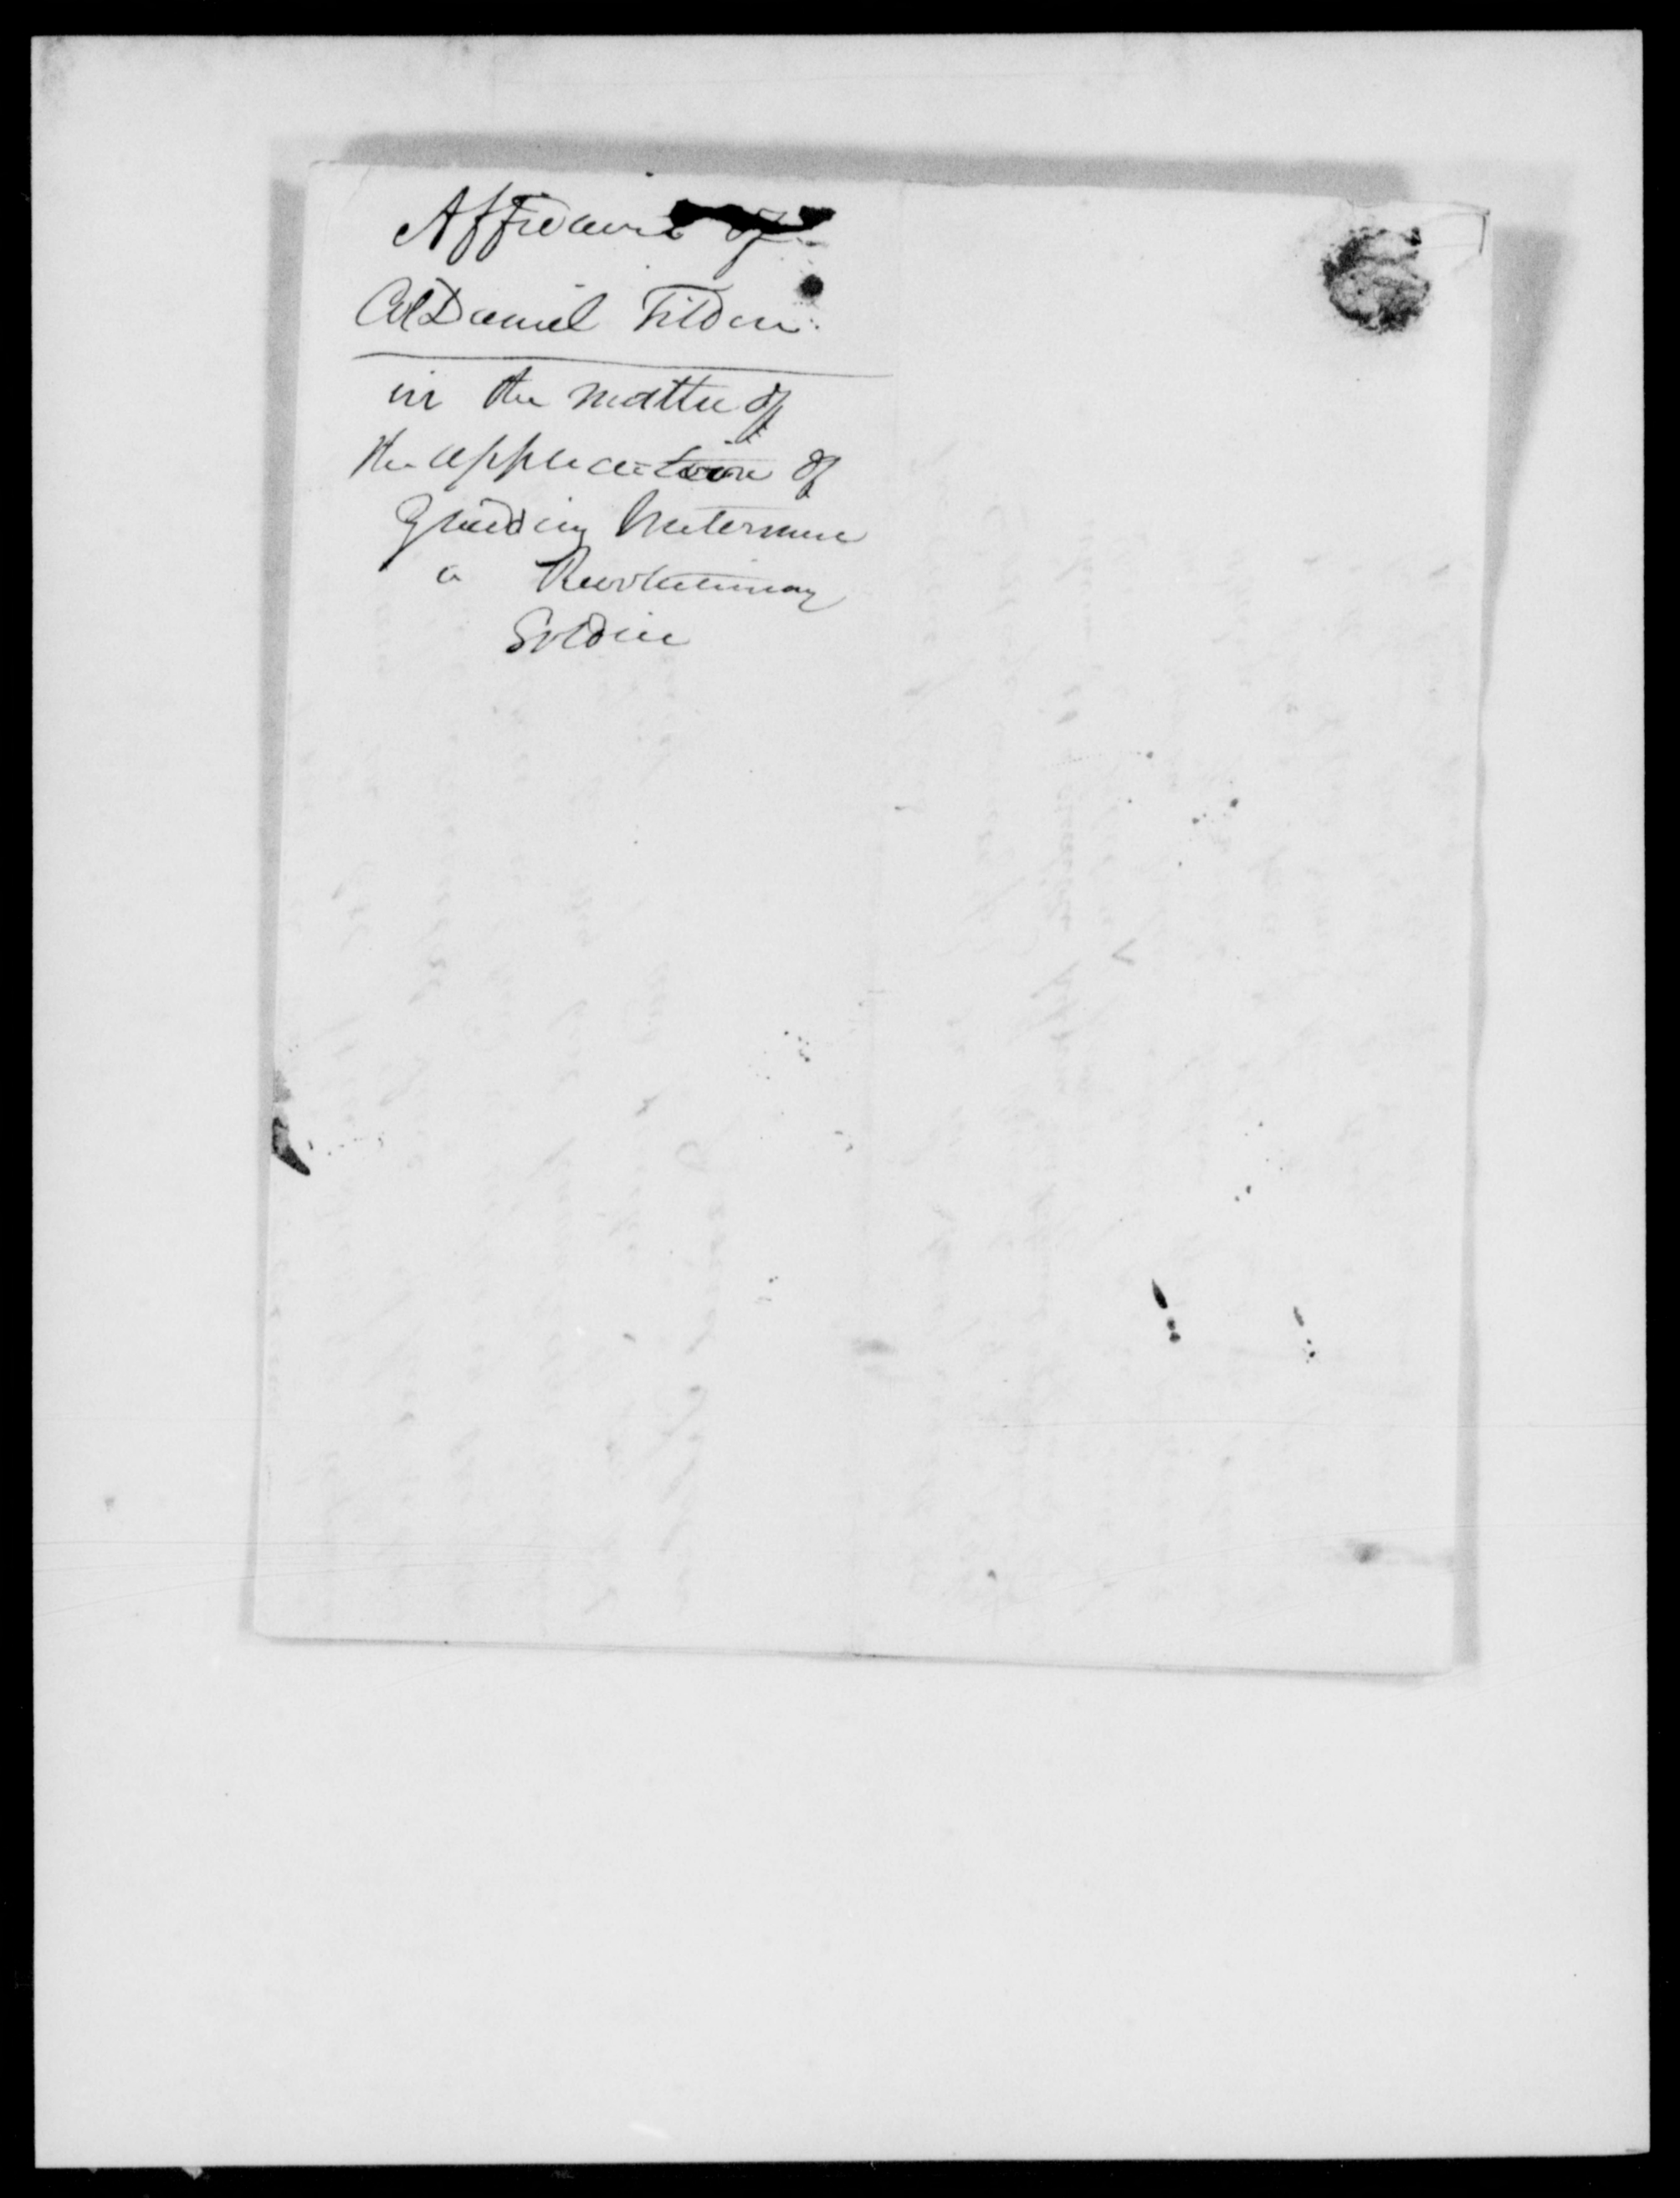Affidavit of
Col Daniel Tilden
-------------------
in matter of 
the application of
Gliding Waterman
a Revolutionary
soldier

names: Gladding Waterman, Daniel Tilden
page: 30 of 50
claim: widow's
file: W. 15814, Glading Waterman, Conn. Conn. Sea Service Continental